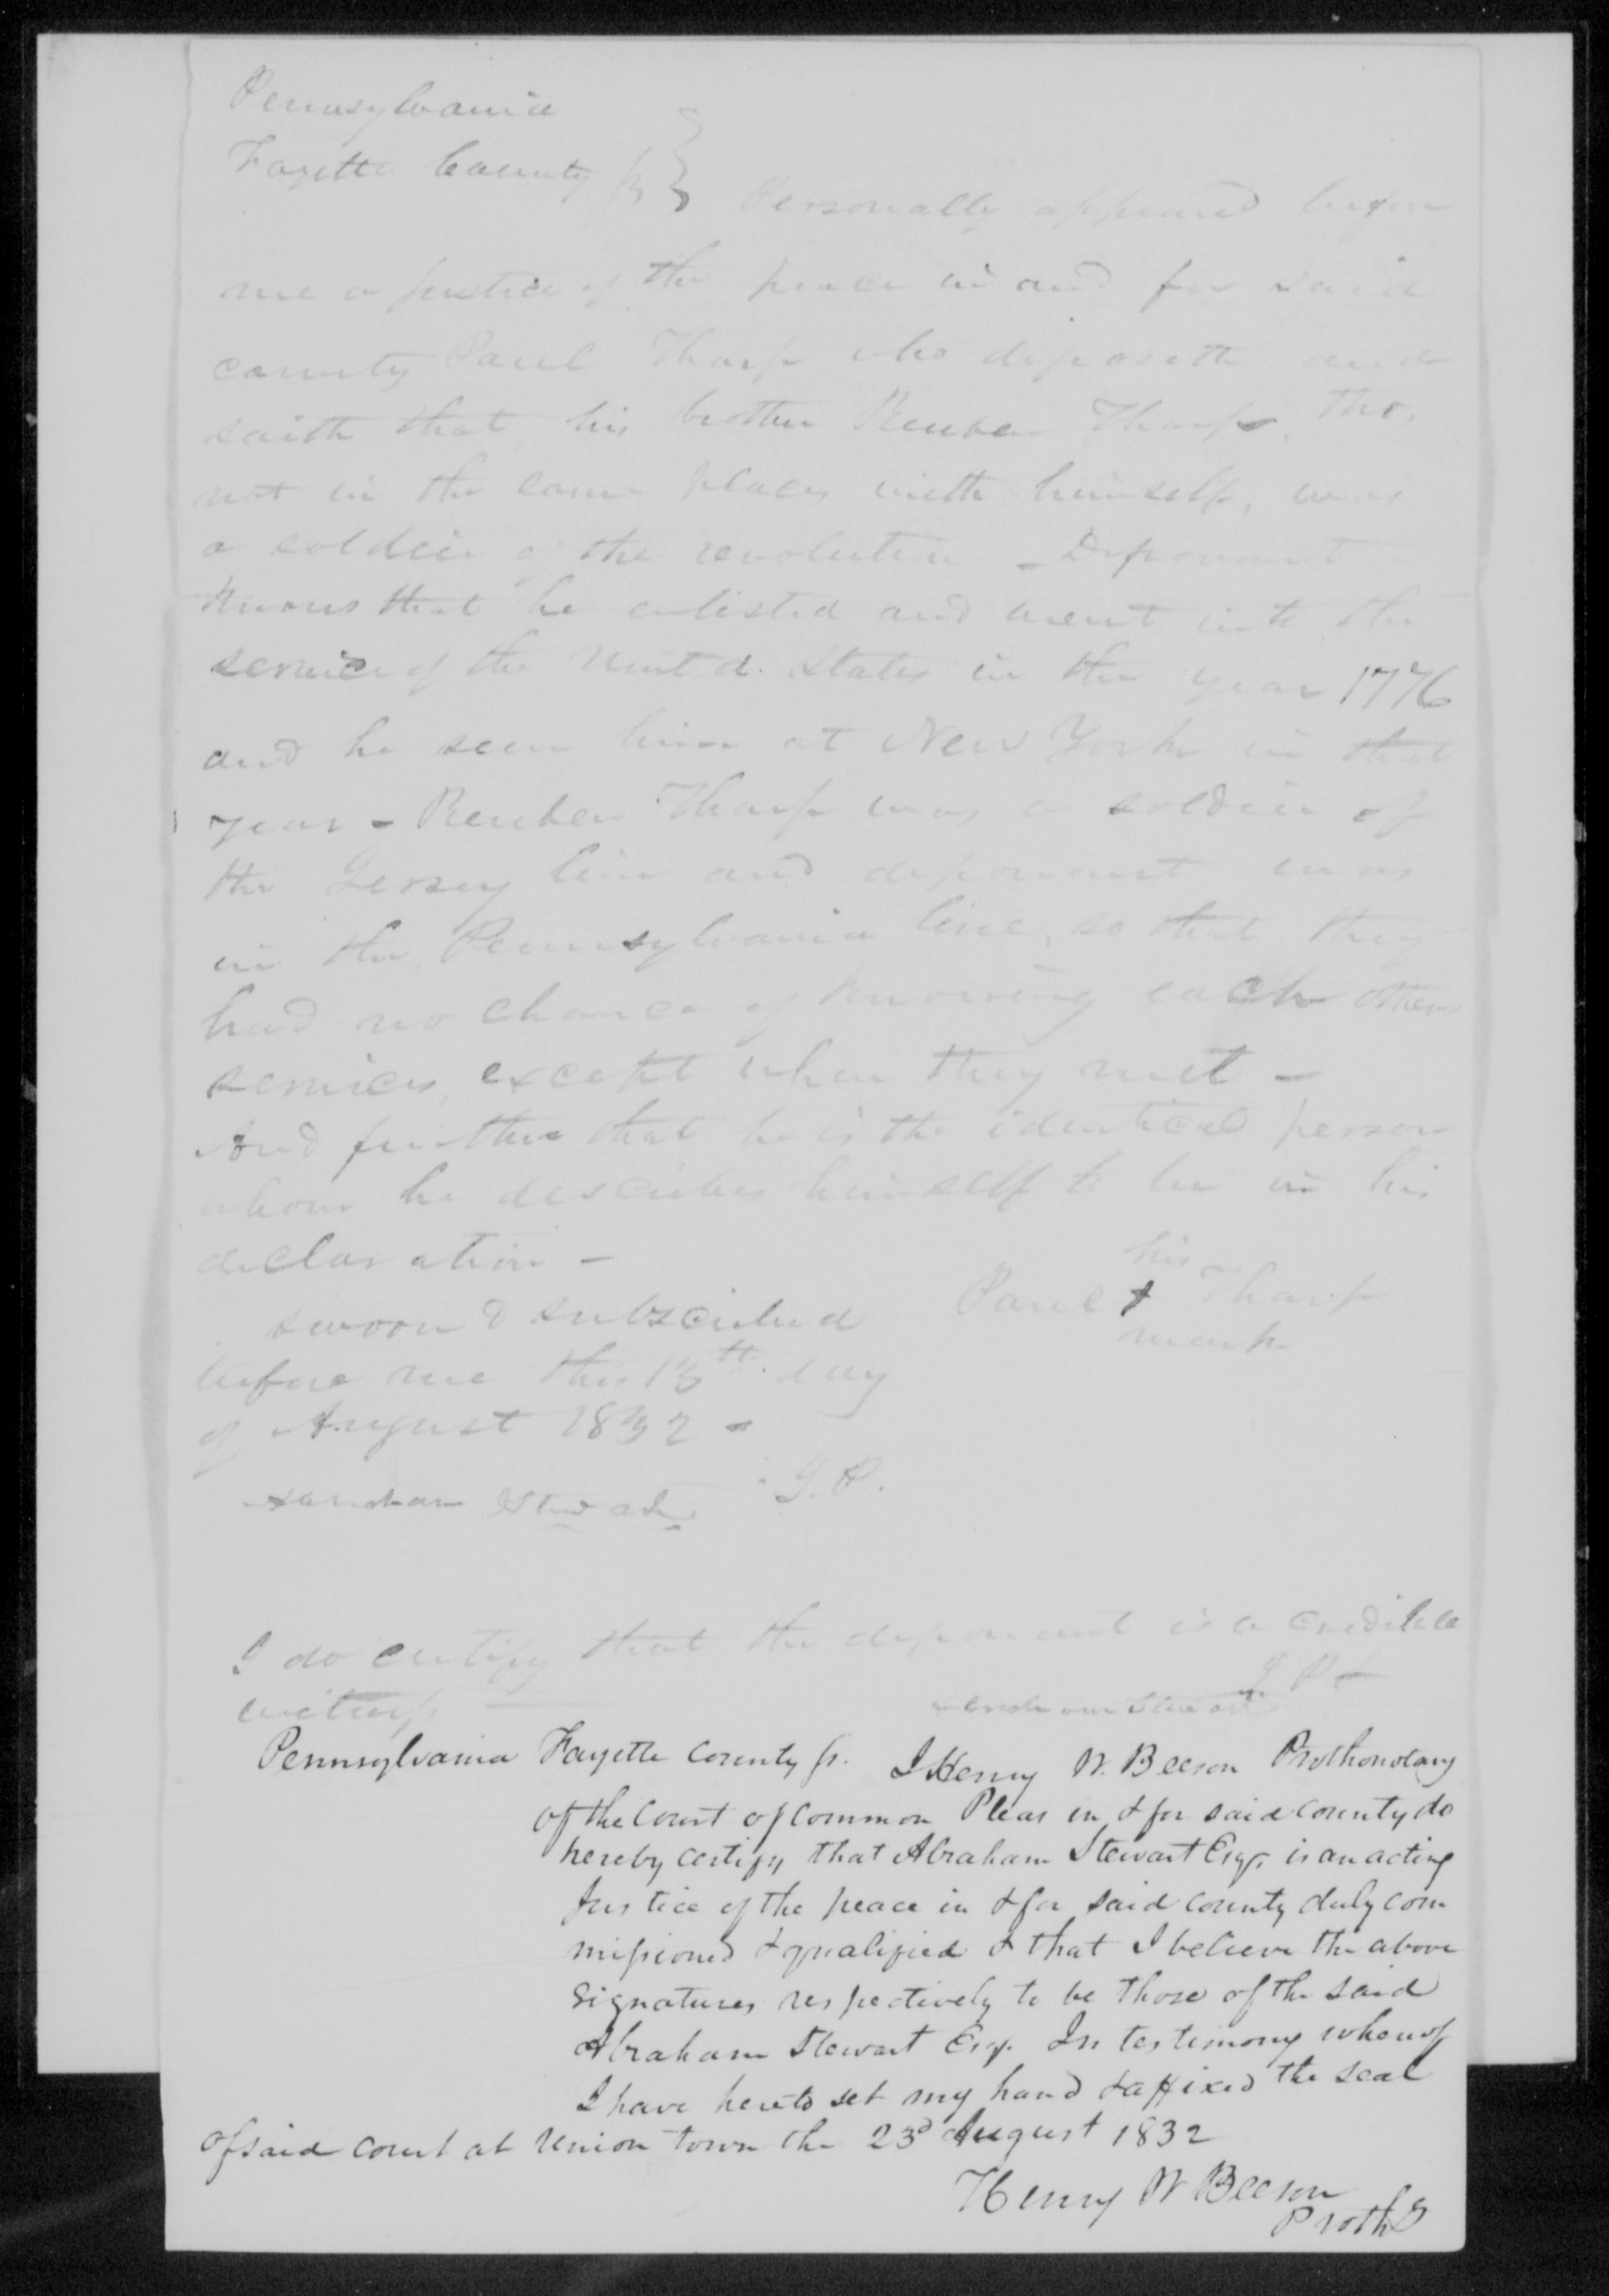Pennsylvania
Fayette County SS}
Personally appeared before me a Justice of the peace in and for said County Paul Thorp who deposeth and saith that his brother Reuben Thorp tho not in the same place with himself, was a soldier of the revolution - Deponent
knows that he enlisted and went in to the
service of the United States in the year 1776
and he seen him at New York in the year- Reuben Thoarp was a soldier of the Jersey line and deponent was in the Pennsylvania line, so that they had no chance of knowing each others
services, except when they met- And further that he is the identical person whom he describes himself to be in his declaration-

       his
Paul X Thorp
       mark

Sworn & subscribed
before me this 13th day
of August 1832-
Abraham Stewart J. P.

I do certify that the deponent is a credible
witness.
Abraham Stewart

Pennsylvania Fayette County ss. I Henry W. Beeson Prothonotary of the Court of Common Pleas in & for said County do hereby certify that Abraham Stewart Esq. is an acting Justice of the peace in & for said County duly commissioned & qualified & that I believe the above signatures respectively to be those of the said Abraham Stewart Esq. In testimony whereof I have hereto set my hand & affixed the seal of said Court at Uniontown the 23d August 1832
Henry W Beeson
Prothy.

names: Henry W Beeson; Reuben Tharp; Abraham Stewart; Saml Tharp; Abraham Stewart; Abraham Stwart; Henry W Beeson; Reuben Thorp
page: 9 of 28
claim: survivor's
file: S. 6229, for Reuben Thorp, New Jersey